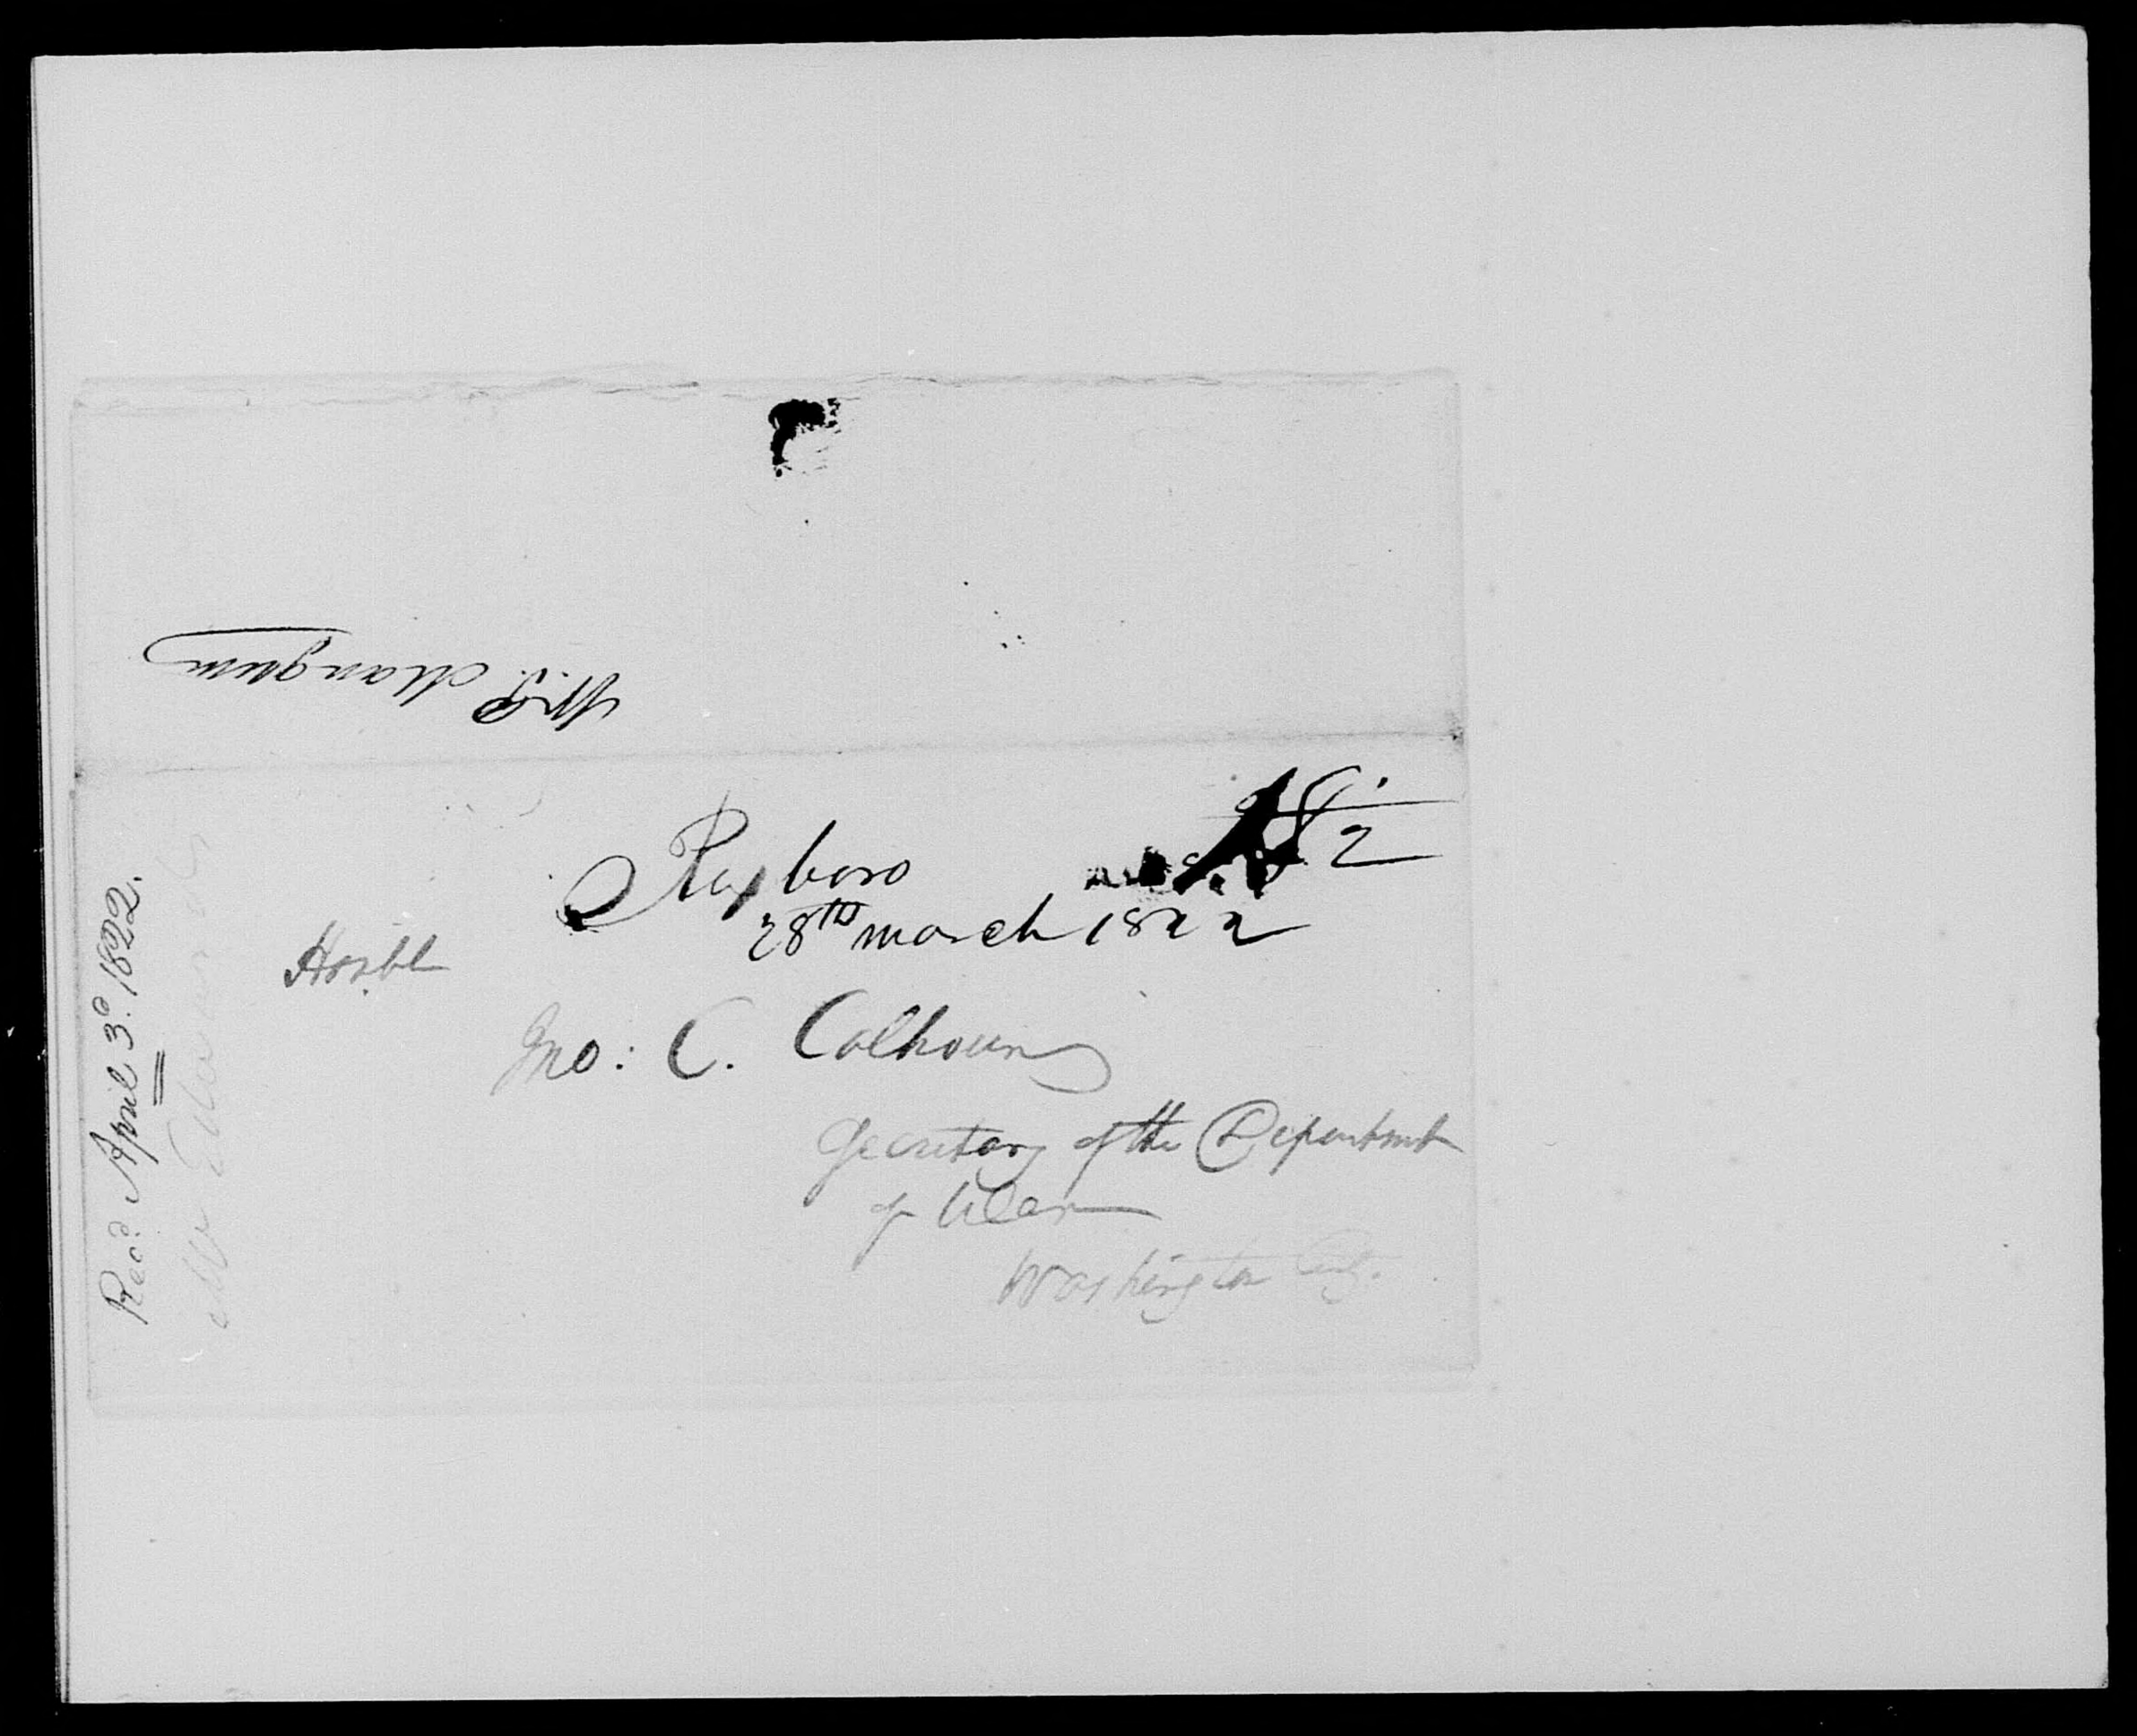W. P. Mangum

Roxboro [illegible] 2
28th March 1822

Honbl. 
Jno: C. Calhoun
Secretary of the Department
of War
Washington City.

Recd. April 3d. 1822.
Mr. Edwards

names: W P Mangum, Jno C Calhoun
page: 48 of 49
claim: survivor's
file: S. 41513, George Duncan, N.C.